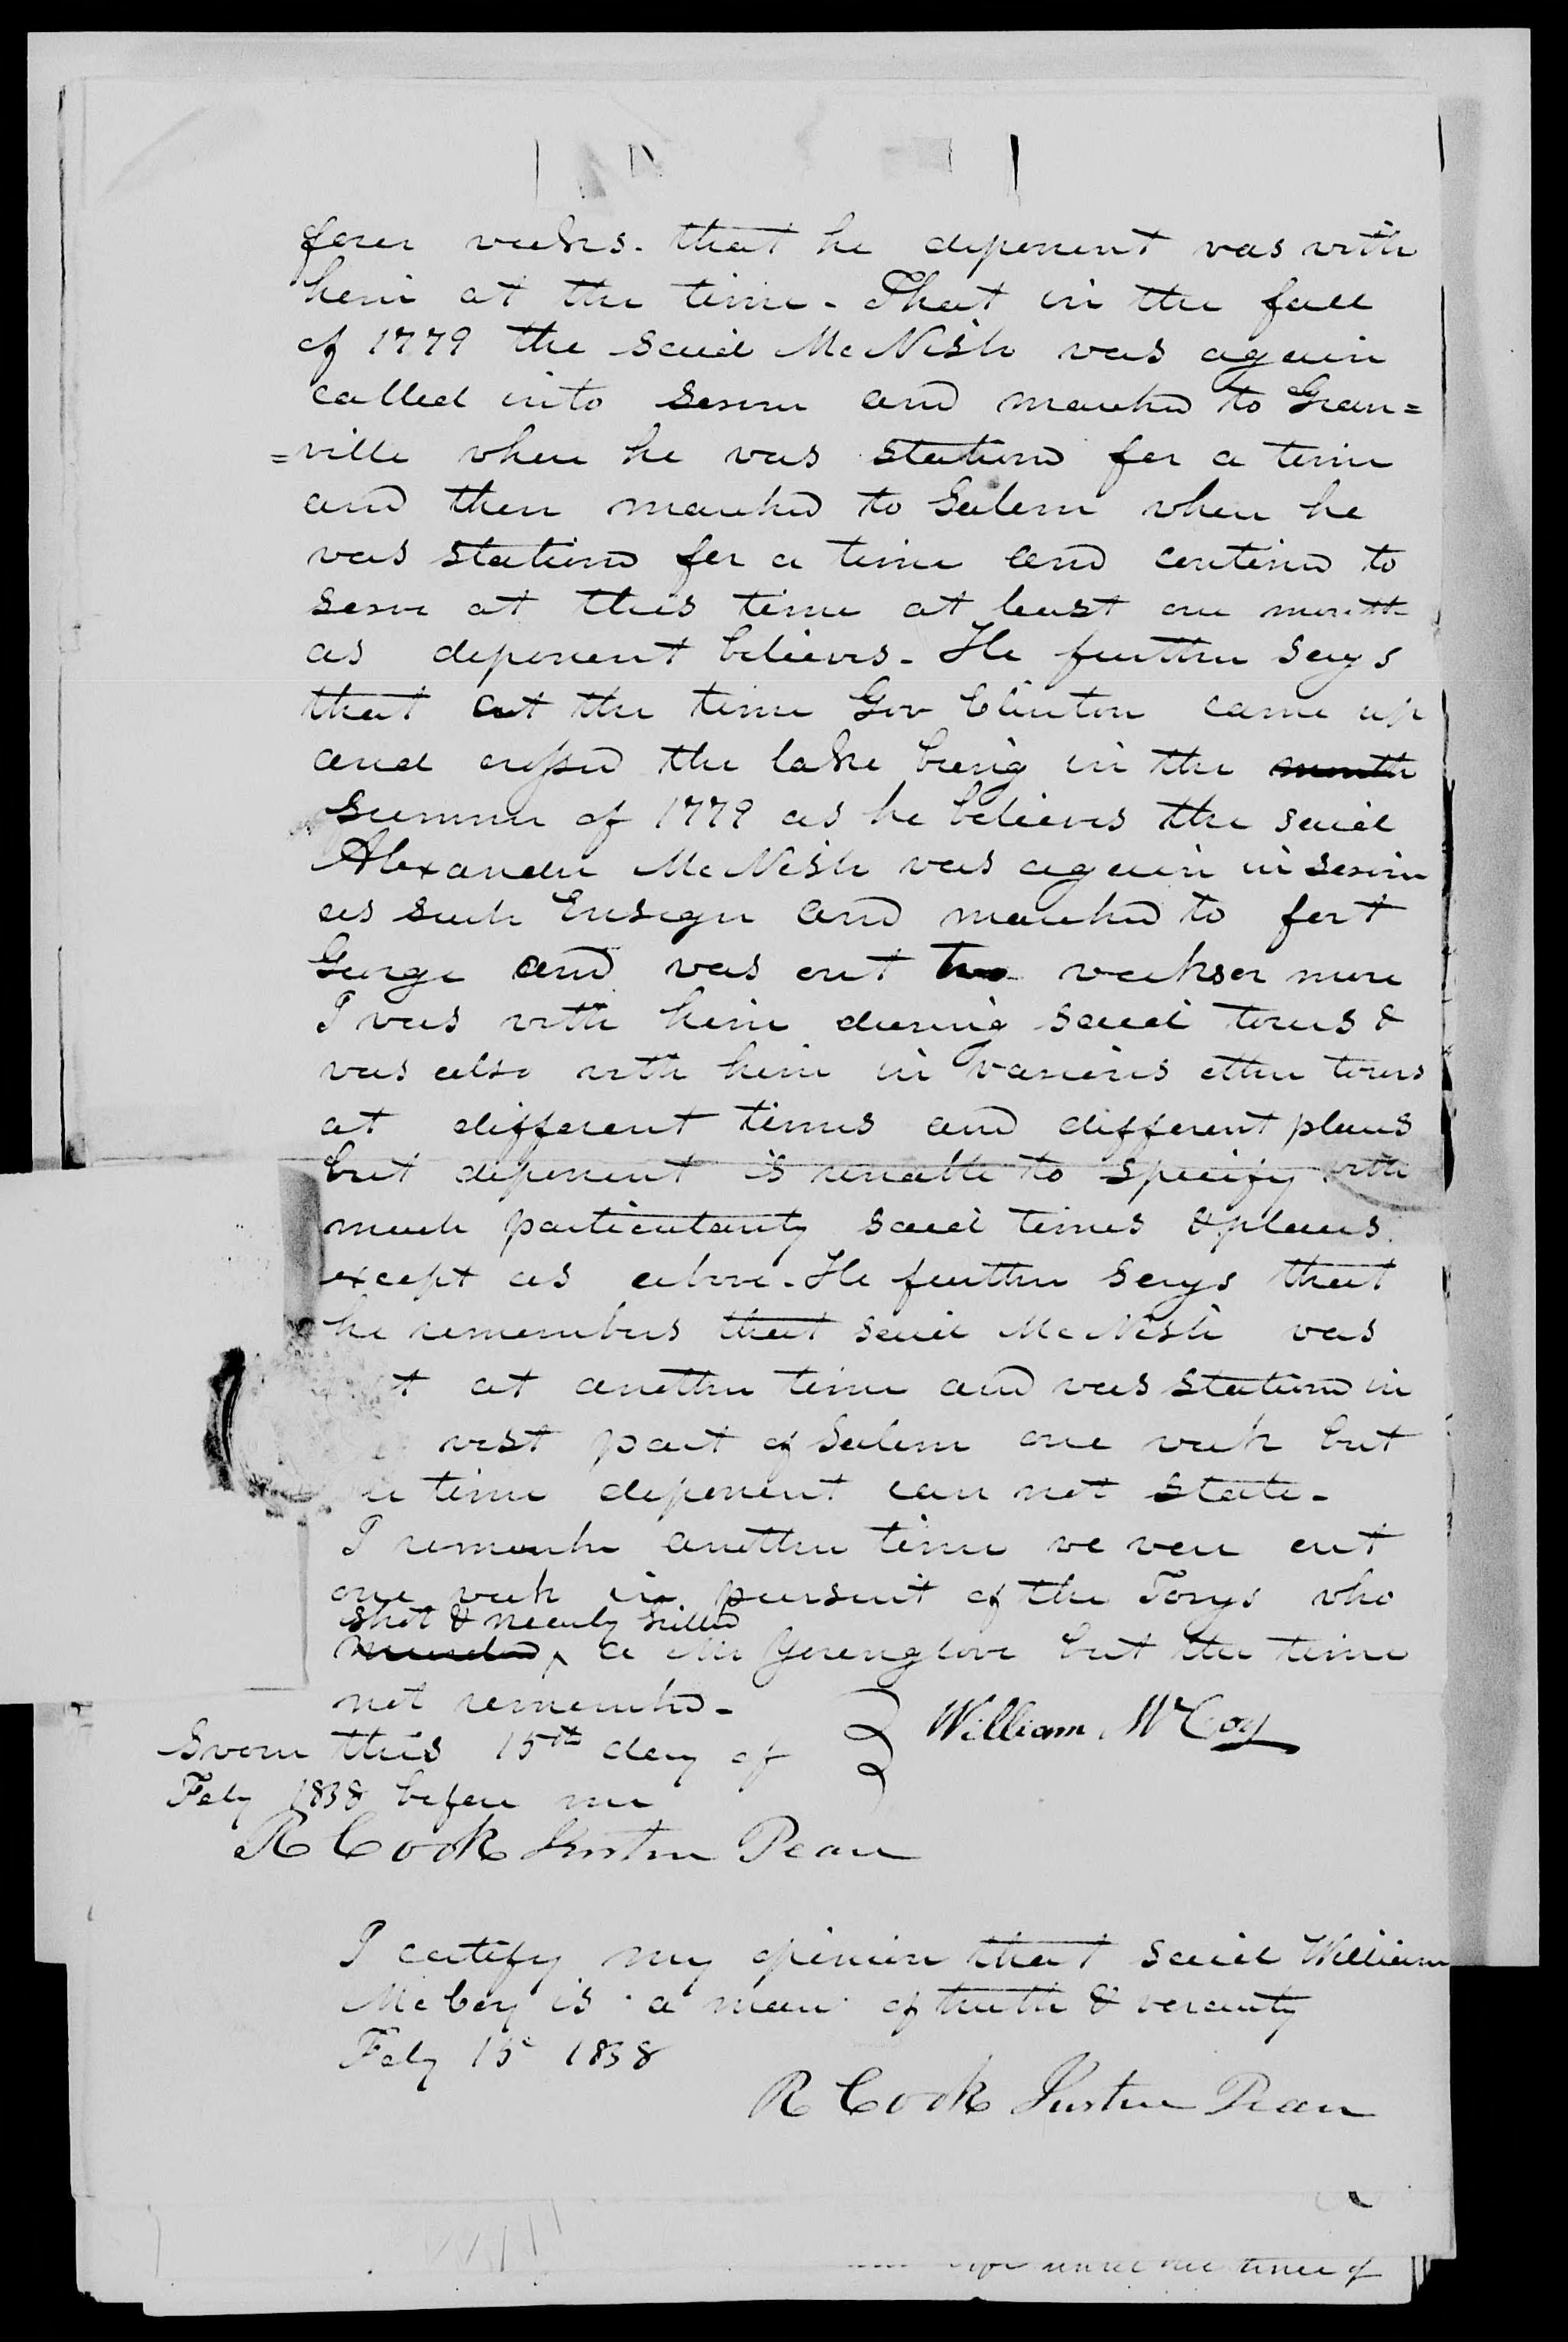four weeks. That he deponent was with him at the time. That in the fall of 1779 the said McNish was again called into serve and marched to Granville where he was stationed for a time and then marched to Salem where he was stationed for a time and continued to serve at this time at least one month as deponent believes. He further says that at the time Gov. Clinton came up and crossed the lake being in the in the summer of 1779 as he believes the said Alexander McNish was again in service as such Ensign and marched to Fort George and was out two weeks or more. I was not with him during said tour and was also with him in various other tours at different times and different places but
deponent is unable to specify with much particularity said times (unknown) except as above. He further says that he remembers that McNish was out at another time and was stationed in a vast part of Salem one week but in time deponent can not state. I remember another time we were out one week in pursuit of the Torys who shot and nearly killed a Mr. Younglove but the time not remembered. 
William McCoy

Sworn this 15th day of 
Feby 1838 before me
R Cook Justice Peace 

I certify my opinion that said William McCoy is a man of truth and veracity 
Feby 15 1838
R Cook Justice Peace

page: 10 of 42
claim: widow's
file: W. 23,937 S. 28094, for Alexander Mc Nish, New York